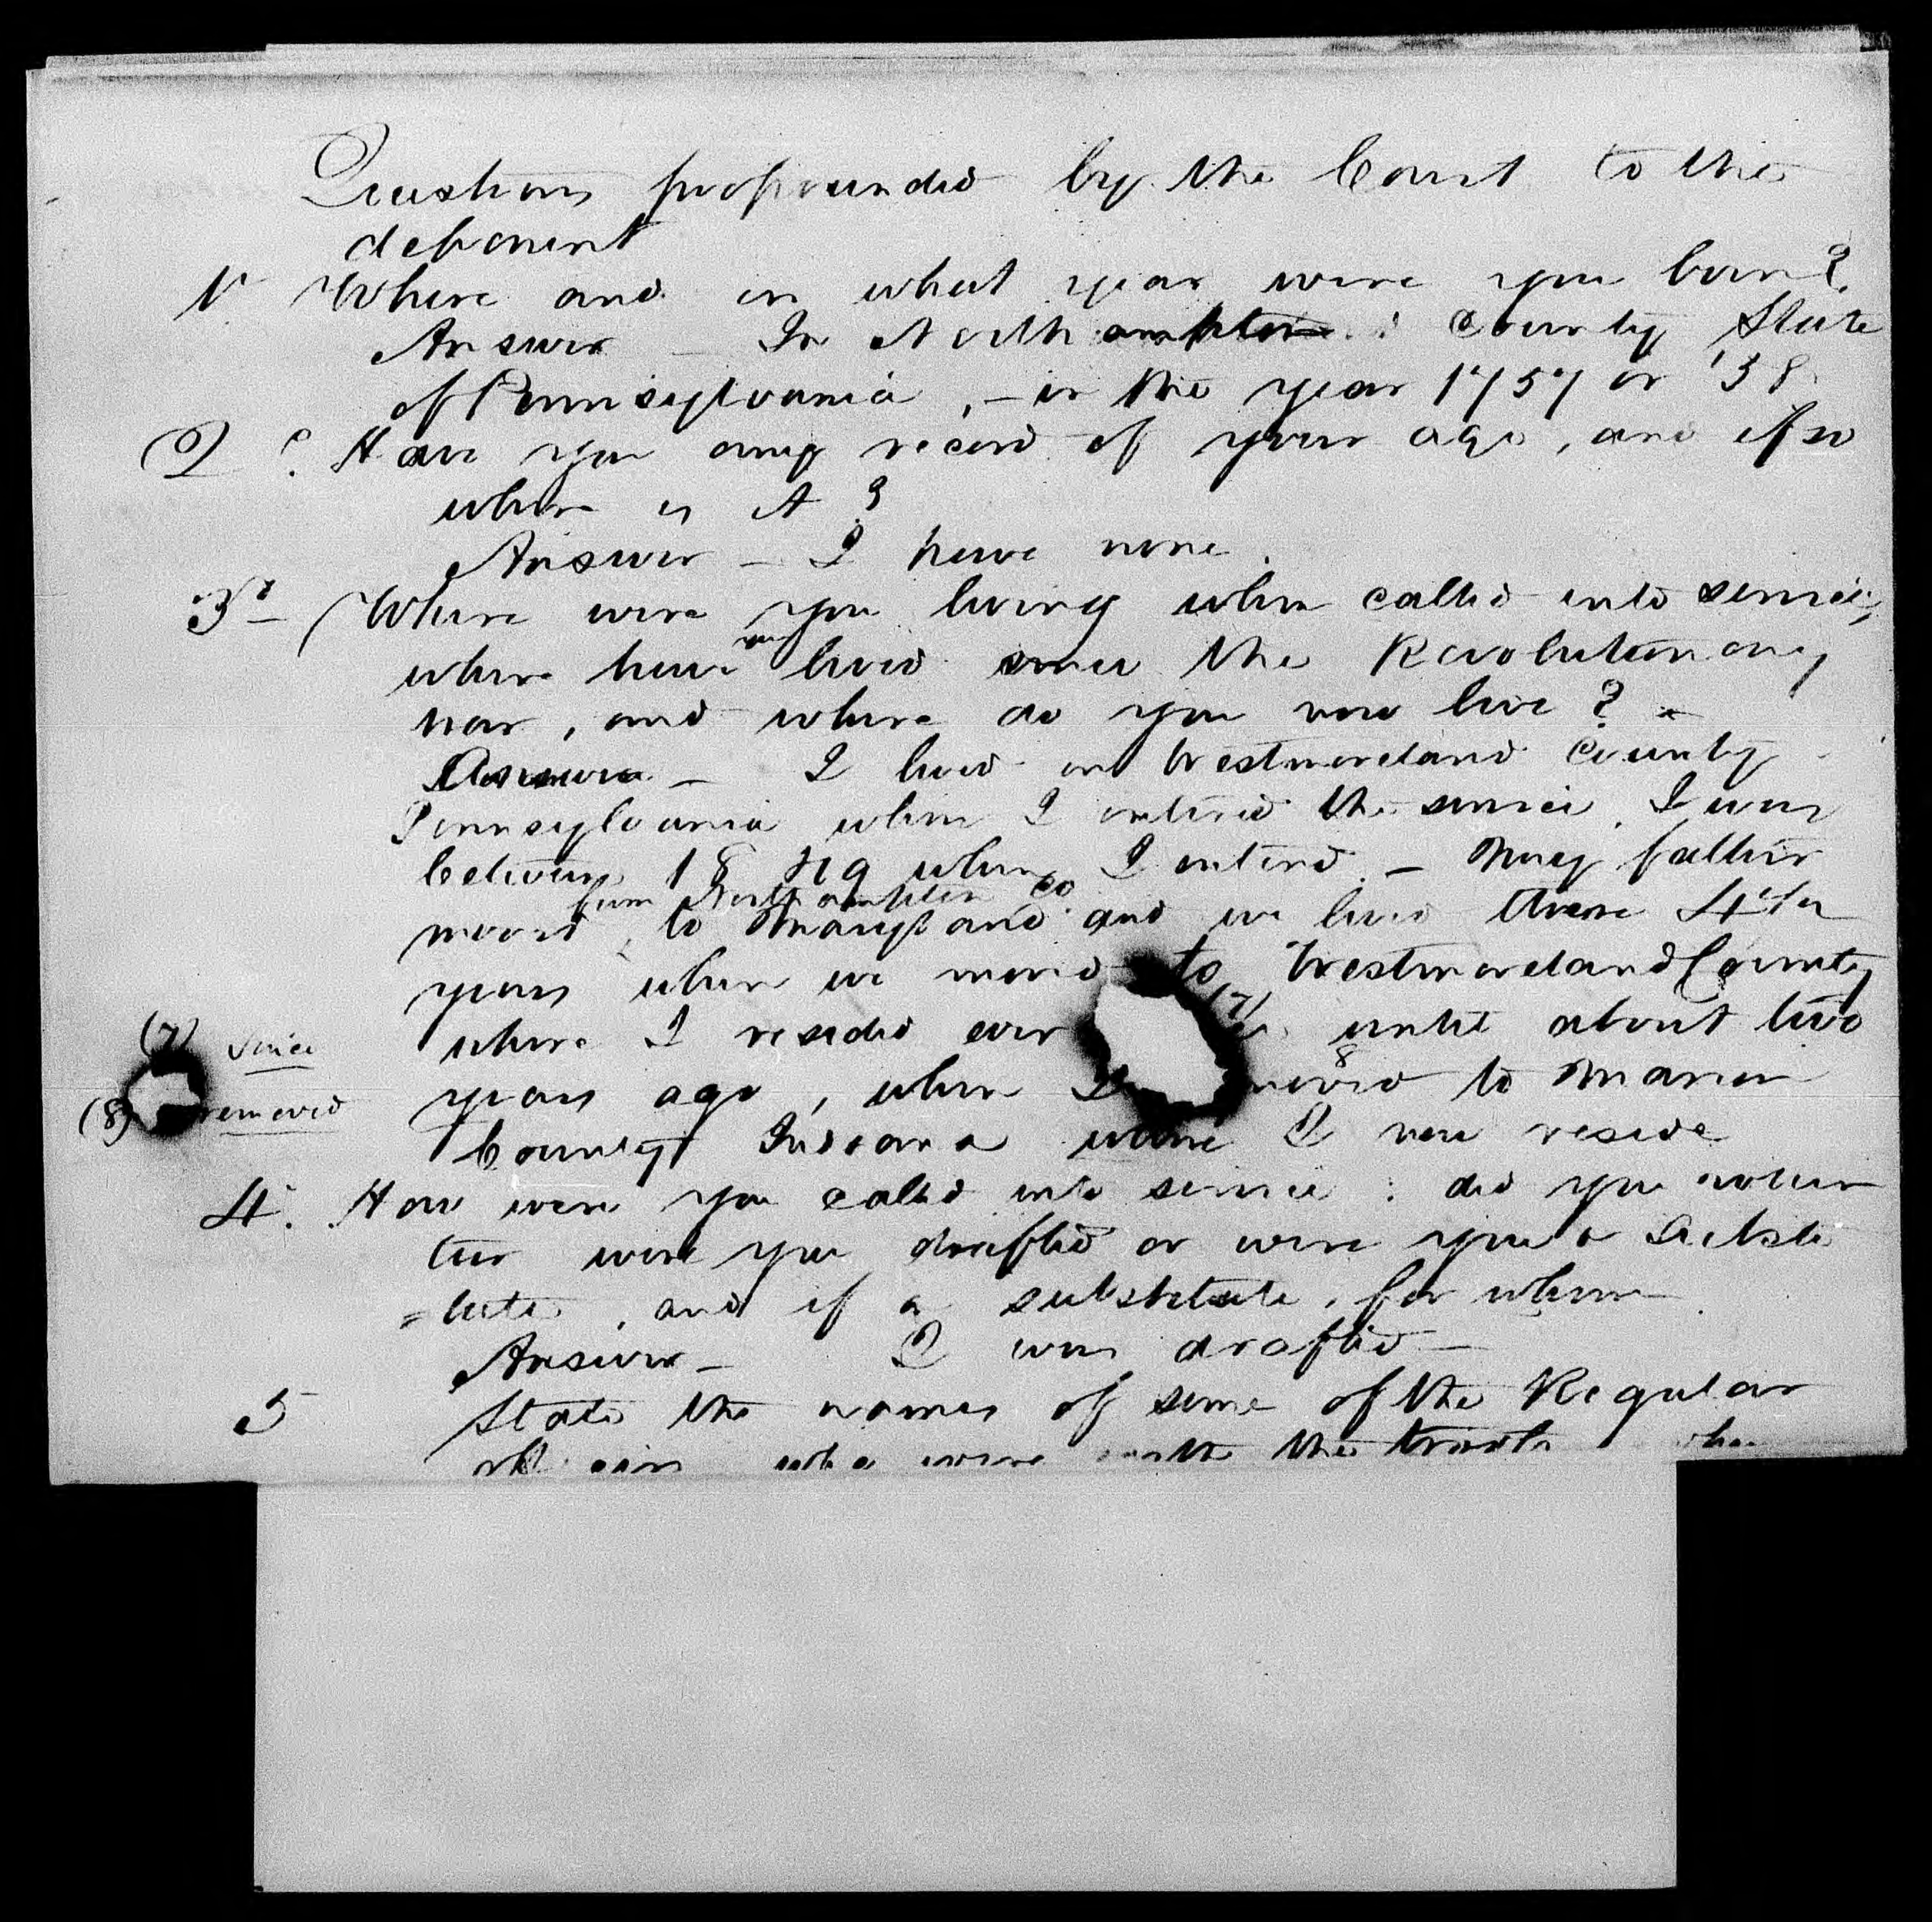Questions propounded by the Court to the
deponent

1. Where and in what year were you born?
Answer - In Northampton County State of Pennsylvania, —-in the year 1757 or ‘58.

2. Have you any record of your age, and if so where is it?
Answer — I have none.

3. Where were you living when called into service; where have you lived since the Revolutionary War, and where do you now live?
Answer - I lived in Westmoreland County in Pennsylvania where I entered the service. I was between 18 & 19 when I entered —-My father moved ^from Northampton Co^ to Maryland and we lived there 4 [illegible] years when we moved to Westmoreland County where I resided ever since until about two years ago, when [illegible] removed to Marion County Indiana where I now reside

4. How were you called into service: did you volunteer  were you drafted or were you a substitute, and if a substitute, for whom.
Answer- I was drafted-

5. State the names of some of the Regular officers who were with the troops when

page: 11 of 14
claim: rejected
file: R. 6005, for Jacob Klinginsmith, Pennsylvania